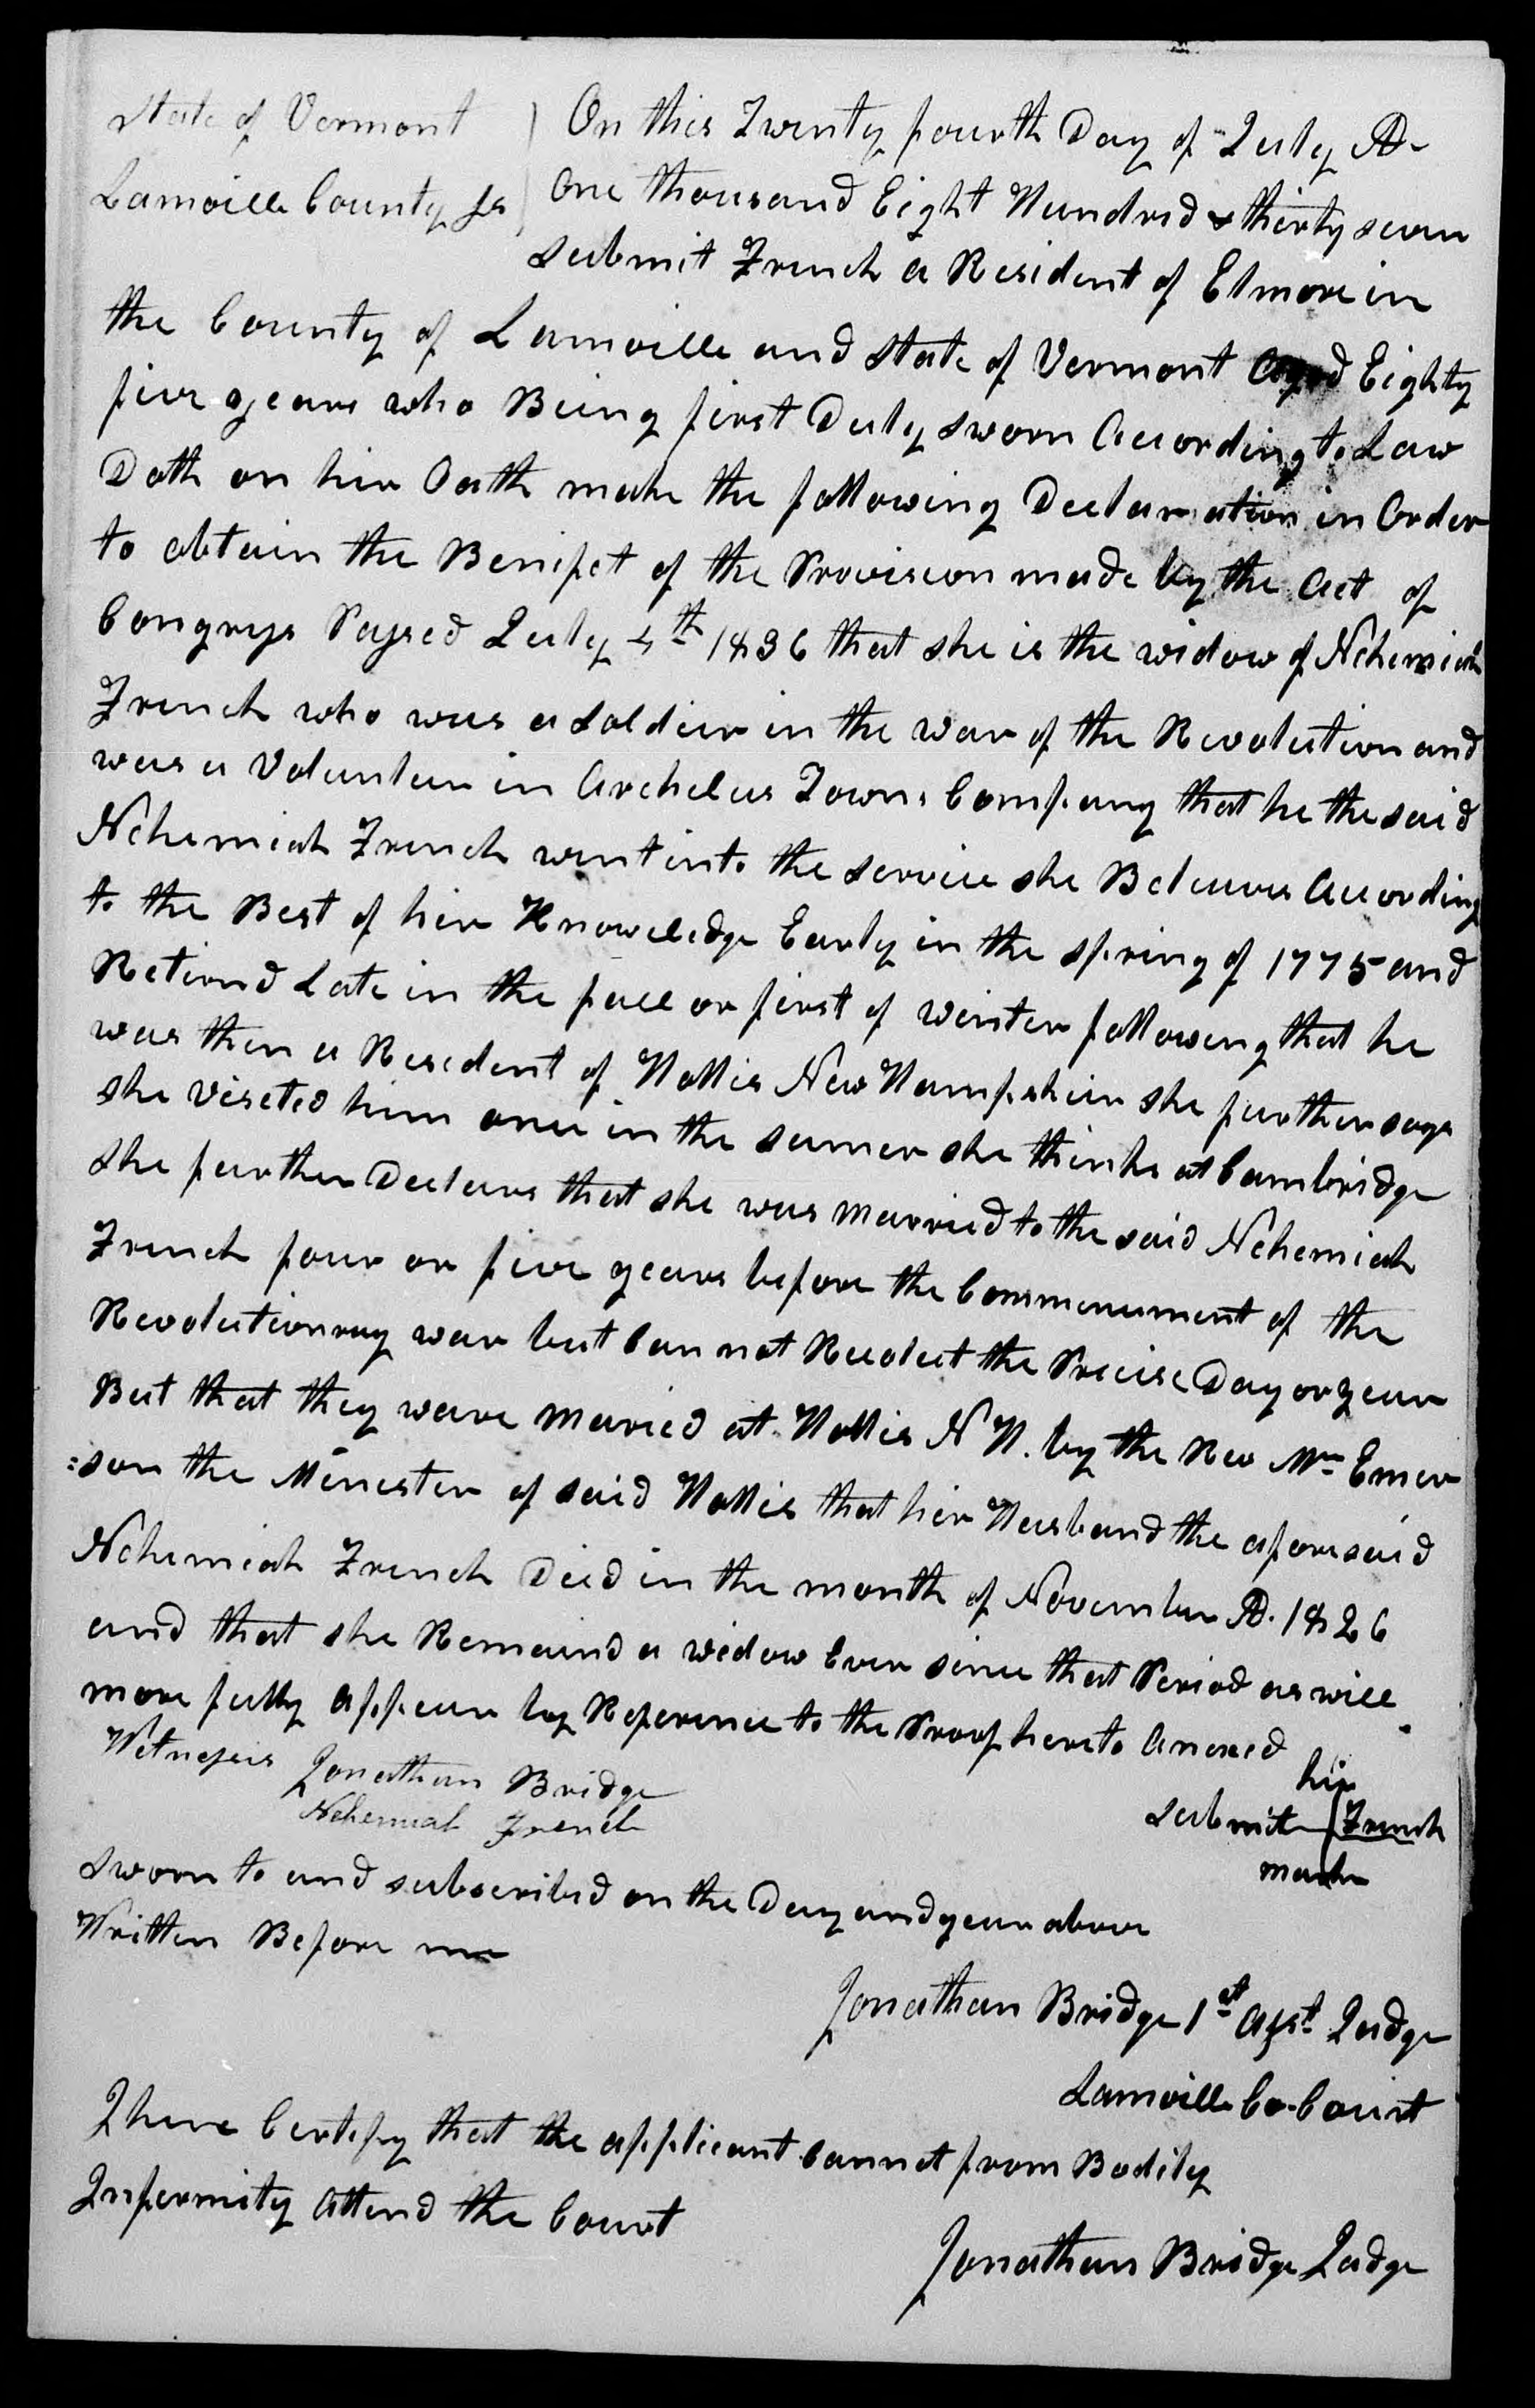State of Vermont   )
Lamoille County fs )

On this Twenty fourth Day of July AD One thousand Eight Hundred & thirty seven Submit French a Resident of Elmore in the County of Lamoille and State of Vermont aged Eighty five years who Being first Duly sworn According to Law Doth on her Oath make the following Declaration in Order to obtain the Benefit of the Provision made by the Act of Congrefs Pafsed July 4th 1836  that she is the widow of Nehemiah French who was a Soldier in the war of the Revolution and was a Volunteer in Archelus Towns Company  that he the said Neheiah French went into the service she Believes According to the Best of her Knowledge Early in the spring of 1775 and Returned Late in the fall or first of winter following  that he was then a Resident of Hollis New Hampshire  she further says she viseted him once in the sumer she thinks at Cambridge  She further Declares that she was married to the said Nehemiah French four or five years before the Commencement of the Revolutionary war but can not Recolect the Precise Day or year But that they were maried at Hollis N.H. by the Rev Wm Emerson the Minister of said Hollis  that her Husband the aforesaid Nehemiah French Died in the month of November AD 1826 and that she Remaind a widow Ever since that Period as will more fully appear by Reference to the proof hereto Annexed
Submit  x her mark  French

Witnefses
Jonathan Bridge
Nehemiah French

Sworn to and subscribed on the Day and year above Written Before me
Jonathan Bridge  1st Afs't Judge Lamoille Co. Court

I here Certify that the applicant cannot from Bodily infirmity Attend the Court
Jonathan Bridge   Judge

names: Nehemiah French, Nehemiah French, Jonathan Bridge, Nehemiah French, Emerson, Submit French, Nehemiah French, Nehemiah French, Jonathan Bridge, Jonathan Bridge, Submit French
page: 4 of 18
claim: widow's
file: W. 21,147, Nehemiah French, Mass. Or N.H.